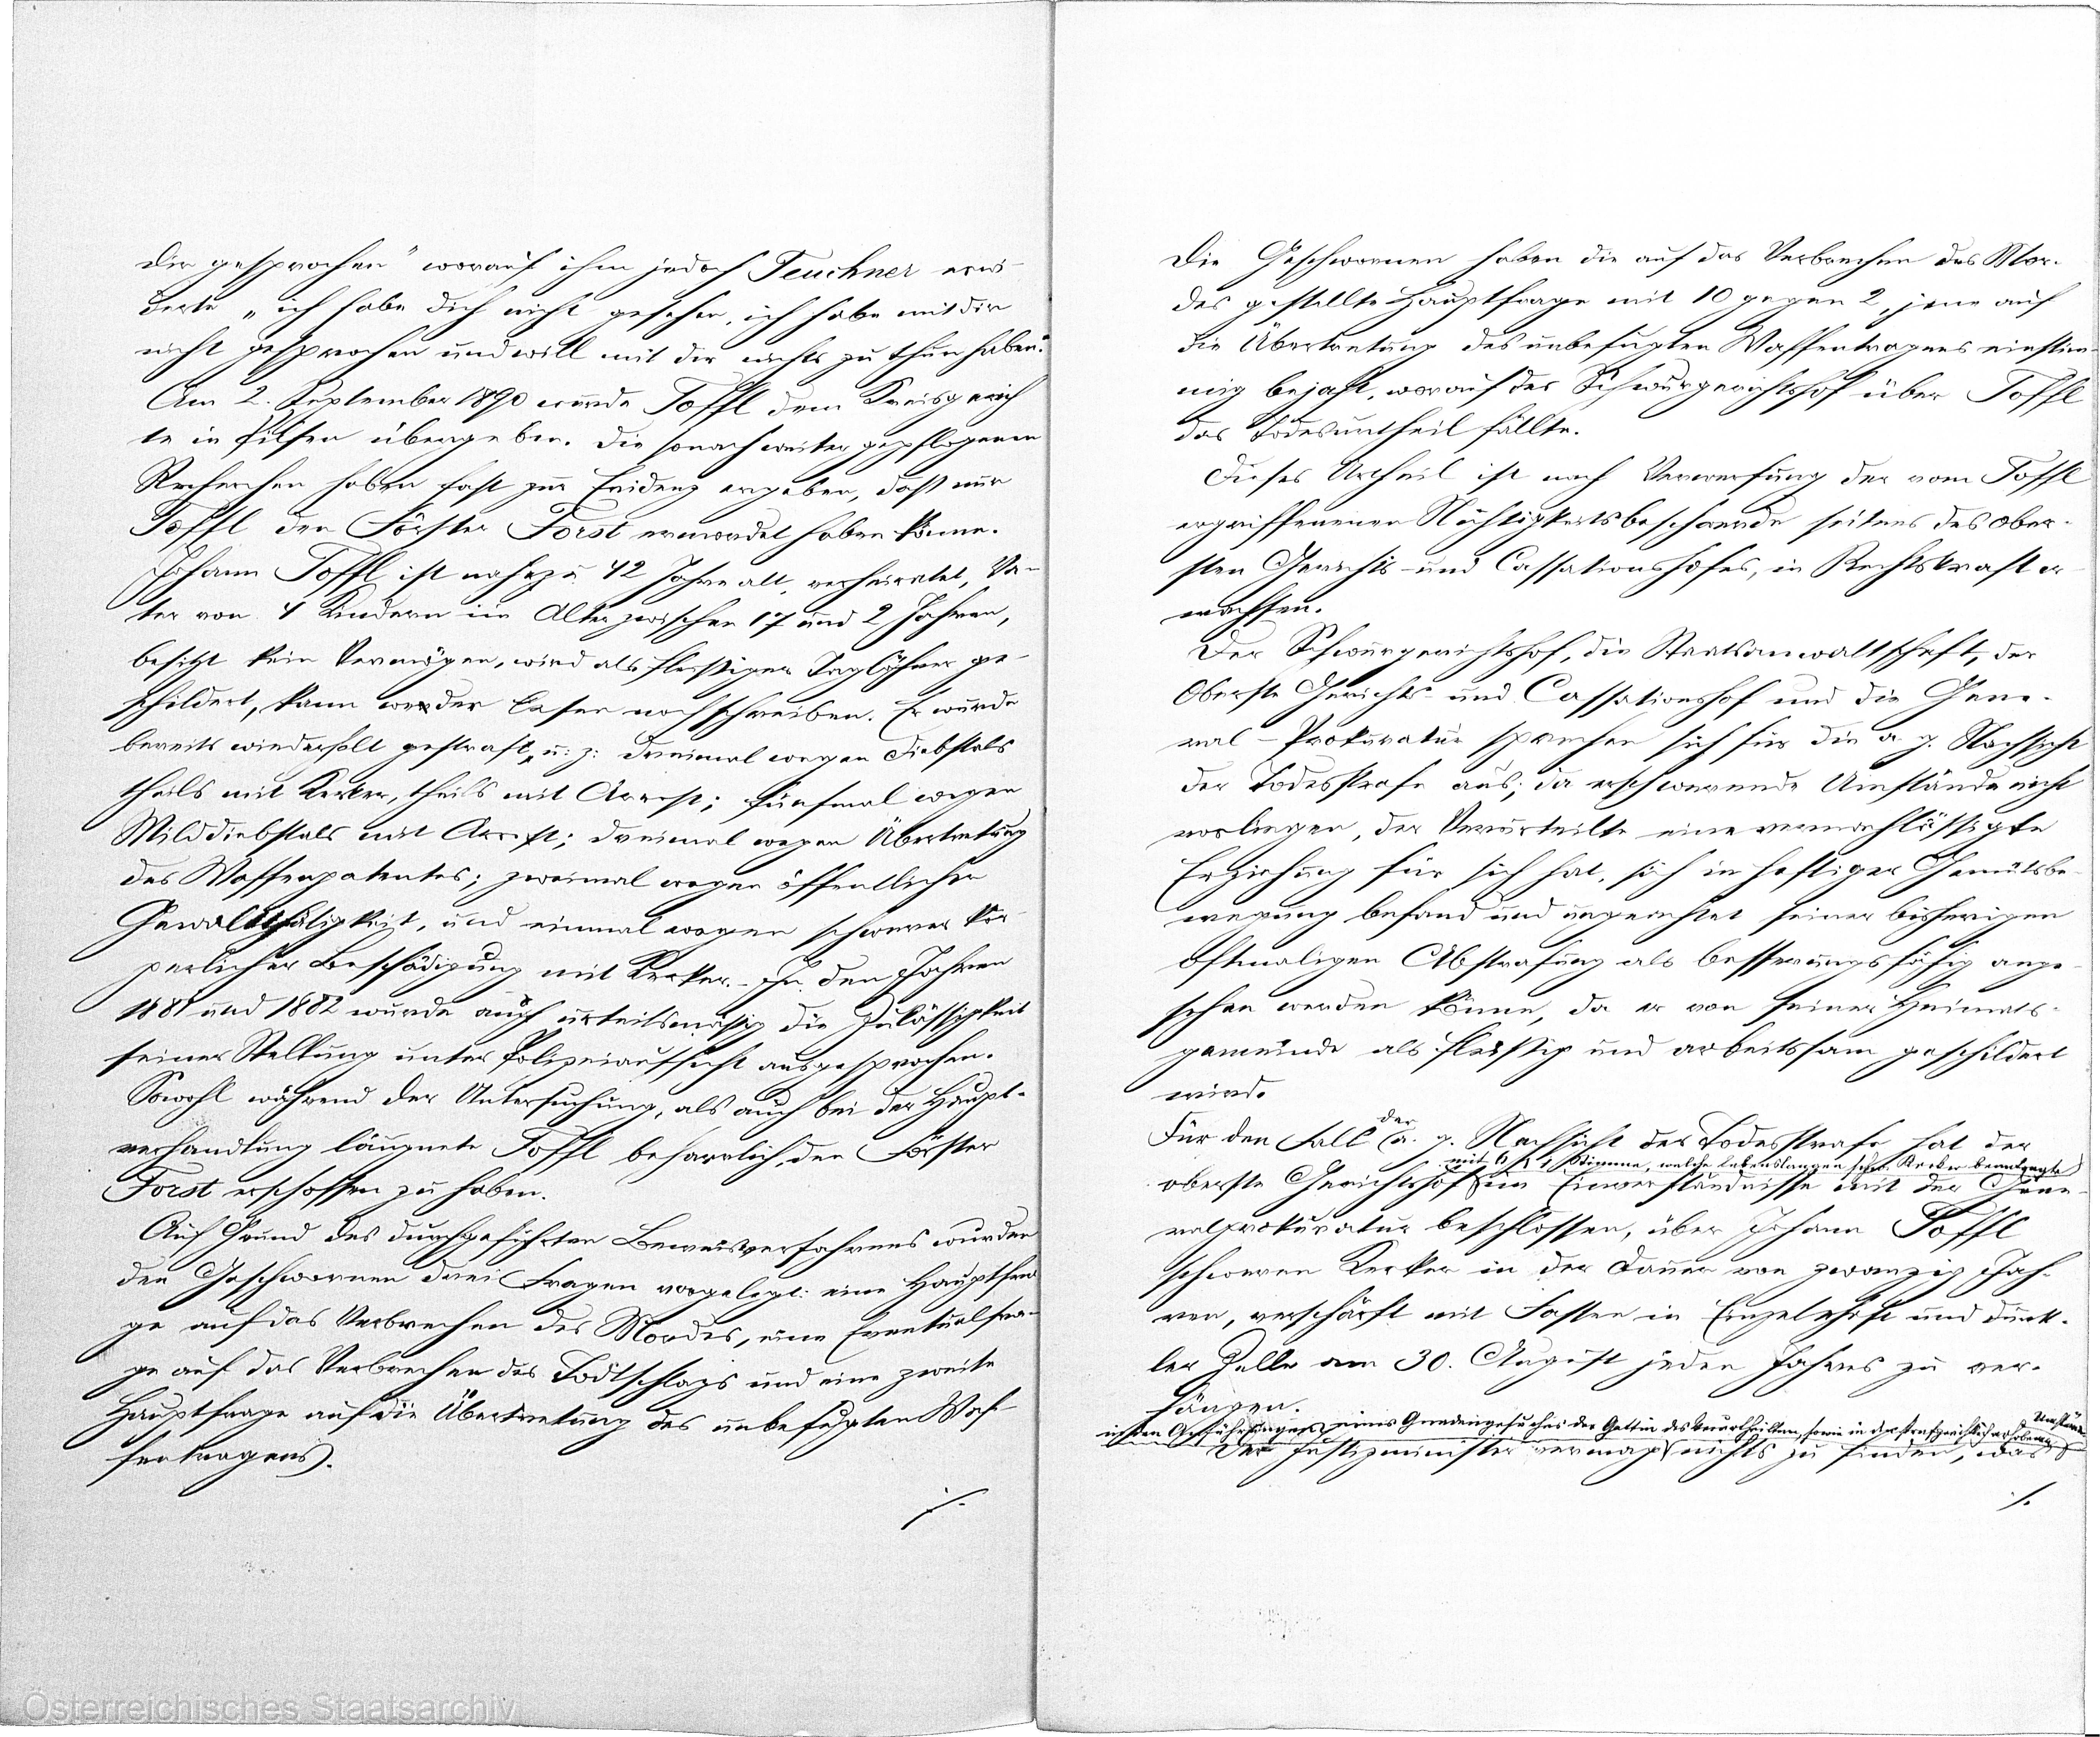dir gesprochen“ worauf ihm jedoch Teuchner erwi¬
derte „ich habe dich nicht gesehen, ich habe mit dir
nicht gesprochen und will mit dir nichts zu thun haben.“
Am 2. September 1890 wurde Toffl dem Kreisgerich¬
te in Pilsen übergeben. Die sonach weiter gepflogenen
Recherchen haben fast zu Evidenz ergeben, daß nur
Toffl der Förster Forst ermordet haben könne.
Johann Toffl ist nahezu 42 Jahre alt, verheiratet, Va¬
ter von 4 Kindern im Alter zwischen 17 und 2 Jahren,
besitzt kein Vermögen, wird als fleißiger Taglöhner ge¬
schildert, kann weder lesen noch schreiben. Er wurde
bereits wiederholt gestraft, u. z. dreimal wegen Diebstahls
theils mit Kerker, theils mit Arrest; fünfmal wegen
Milddiebstals mit Arrest; dreimal wegen Übertretung
des Waffenpatentes; zweimal wegen öffentliche
Gewaltthätigkeit, und einmal wegen schwerer kör¬
perlicher Beschädigung mit Kerker. In den Jahren
1881 und 1882 wurde auch urteilsmässig die Zulässigkeit
seiner Stellung unter Polizeiaufsucht ausgesprochen.
Sowohl während der Untersuchung als auch bei der Haupt¬
verhandlung läugnete Toffl beharrlich, den Förster
Forst erschossen zu haben.
Auf Grund des durchgeführten Beweisverfahrens wurden
den Geschworenen drei Fragen vorgelegt: eine Hauptfra¬
ge auf das Verbrechen des Mordes, eine Eventualfra¬
ge auf das Verbrechen des Todtschlages und eine zweite
Hauptfrage auf die Übertretung des unbefugten Waf¬
fentragens.
Die Geschwornen haben die auf das Verbrechen des Mor¬
des gestellte Hauptfrage mit 10 gegen 2, jene auf
die Übertretung des unbefugten Waffentragens einstim¬
mig bejaht, worauf der Schwurgerichtshof über Toffl
das Todesurtheil fällte.
Dieses Urtheil ist nach Verwerfung der vom Toffl
ergriffenener Nichtigkeitsbeschwerde seitens des Ober¬
sten Gerichts- und Cassationshofes in Rechtskraft er¬
wachsen.
Der Schwurgerichtshof, die Staatsanwaltschaft, der
Oberste Gerichts- und Cassationshof und die Gene¬
ral-Prokuratur sprachen sich für die a.g. Nachsicht
der Todesstrafe aus, da erschwerende Umstände nicht
vorliegen, der Verurtheilte eine vernachlässigte
Erziehung für sich hat, sich in hefitger Gemüthsbe¬
wegung befand und ungeachtet seiner bisherigen
oftmaligen Abstrafung als besserungsfähig ange¬
sehen werden könne, da er von seiner Heimats¬
gemeinde als fleißig und arbeitsam geschildert
wird.
der
Für den Fall a.g. Nachsicht der Todesstrafe hat der
mit 6>1 Stimme, welche lebenslangen schw. Kerker beantragte,
oberste Gerichtshof im Einverständnisse mit der Gene¬
ralprokuratur beschlossen, über Johann Toffl
schweren Kerker in der Dauer von zwanzig Jah¬
ren verschärft mit Fasten in Einzelhaft und dunk¬
ler Zelle am 30. August jeden Jarhes zu ver¬
hängen.
in den Anführungen eines Gnadensgesuches der Gattin des Verurtheilten, sowie in der strafgerichtlich erhobenen
Umständen
Der Justizminister vermag, nichts zu finden, was